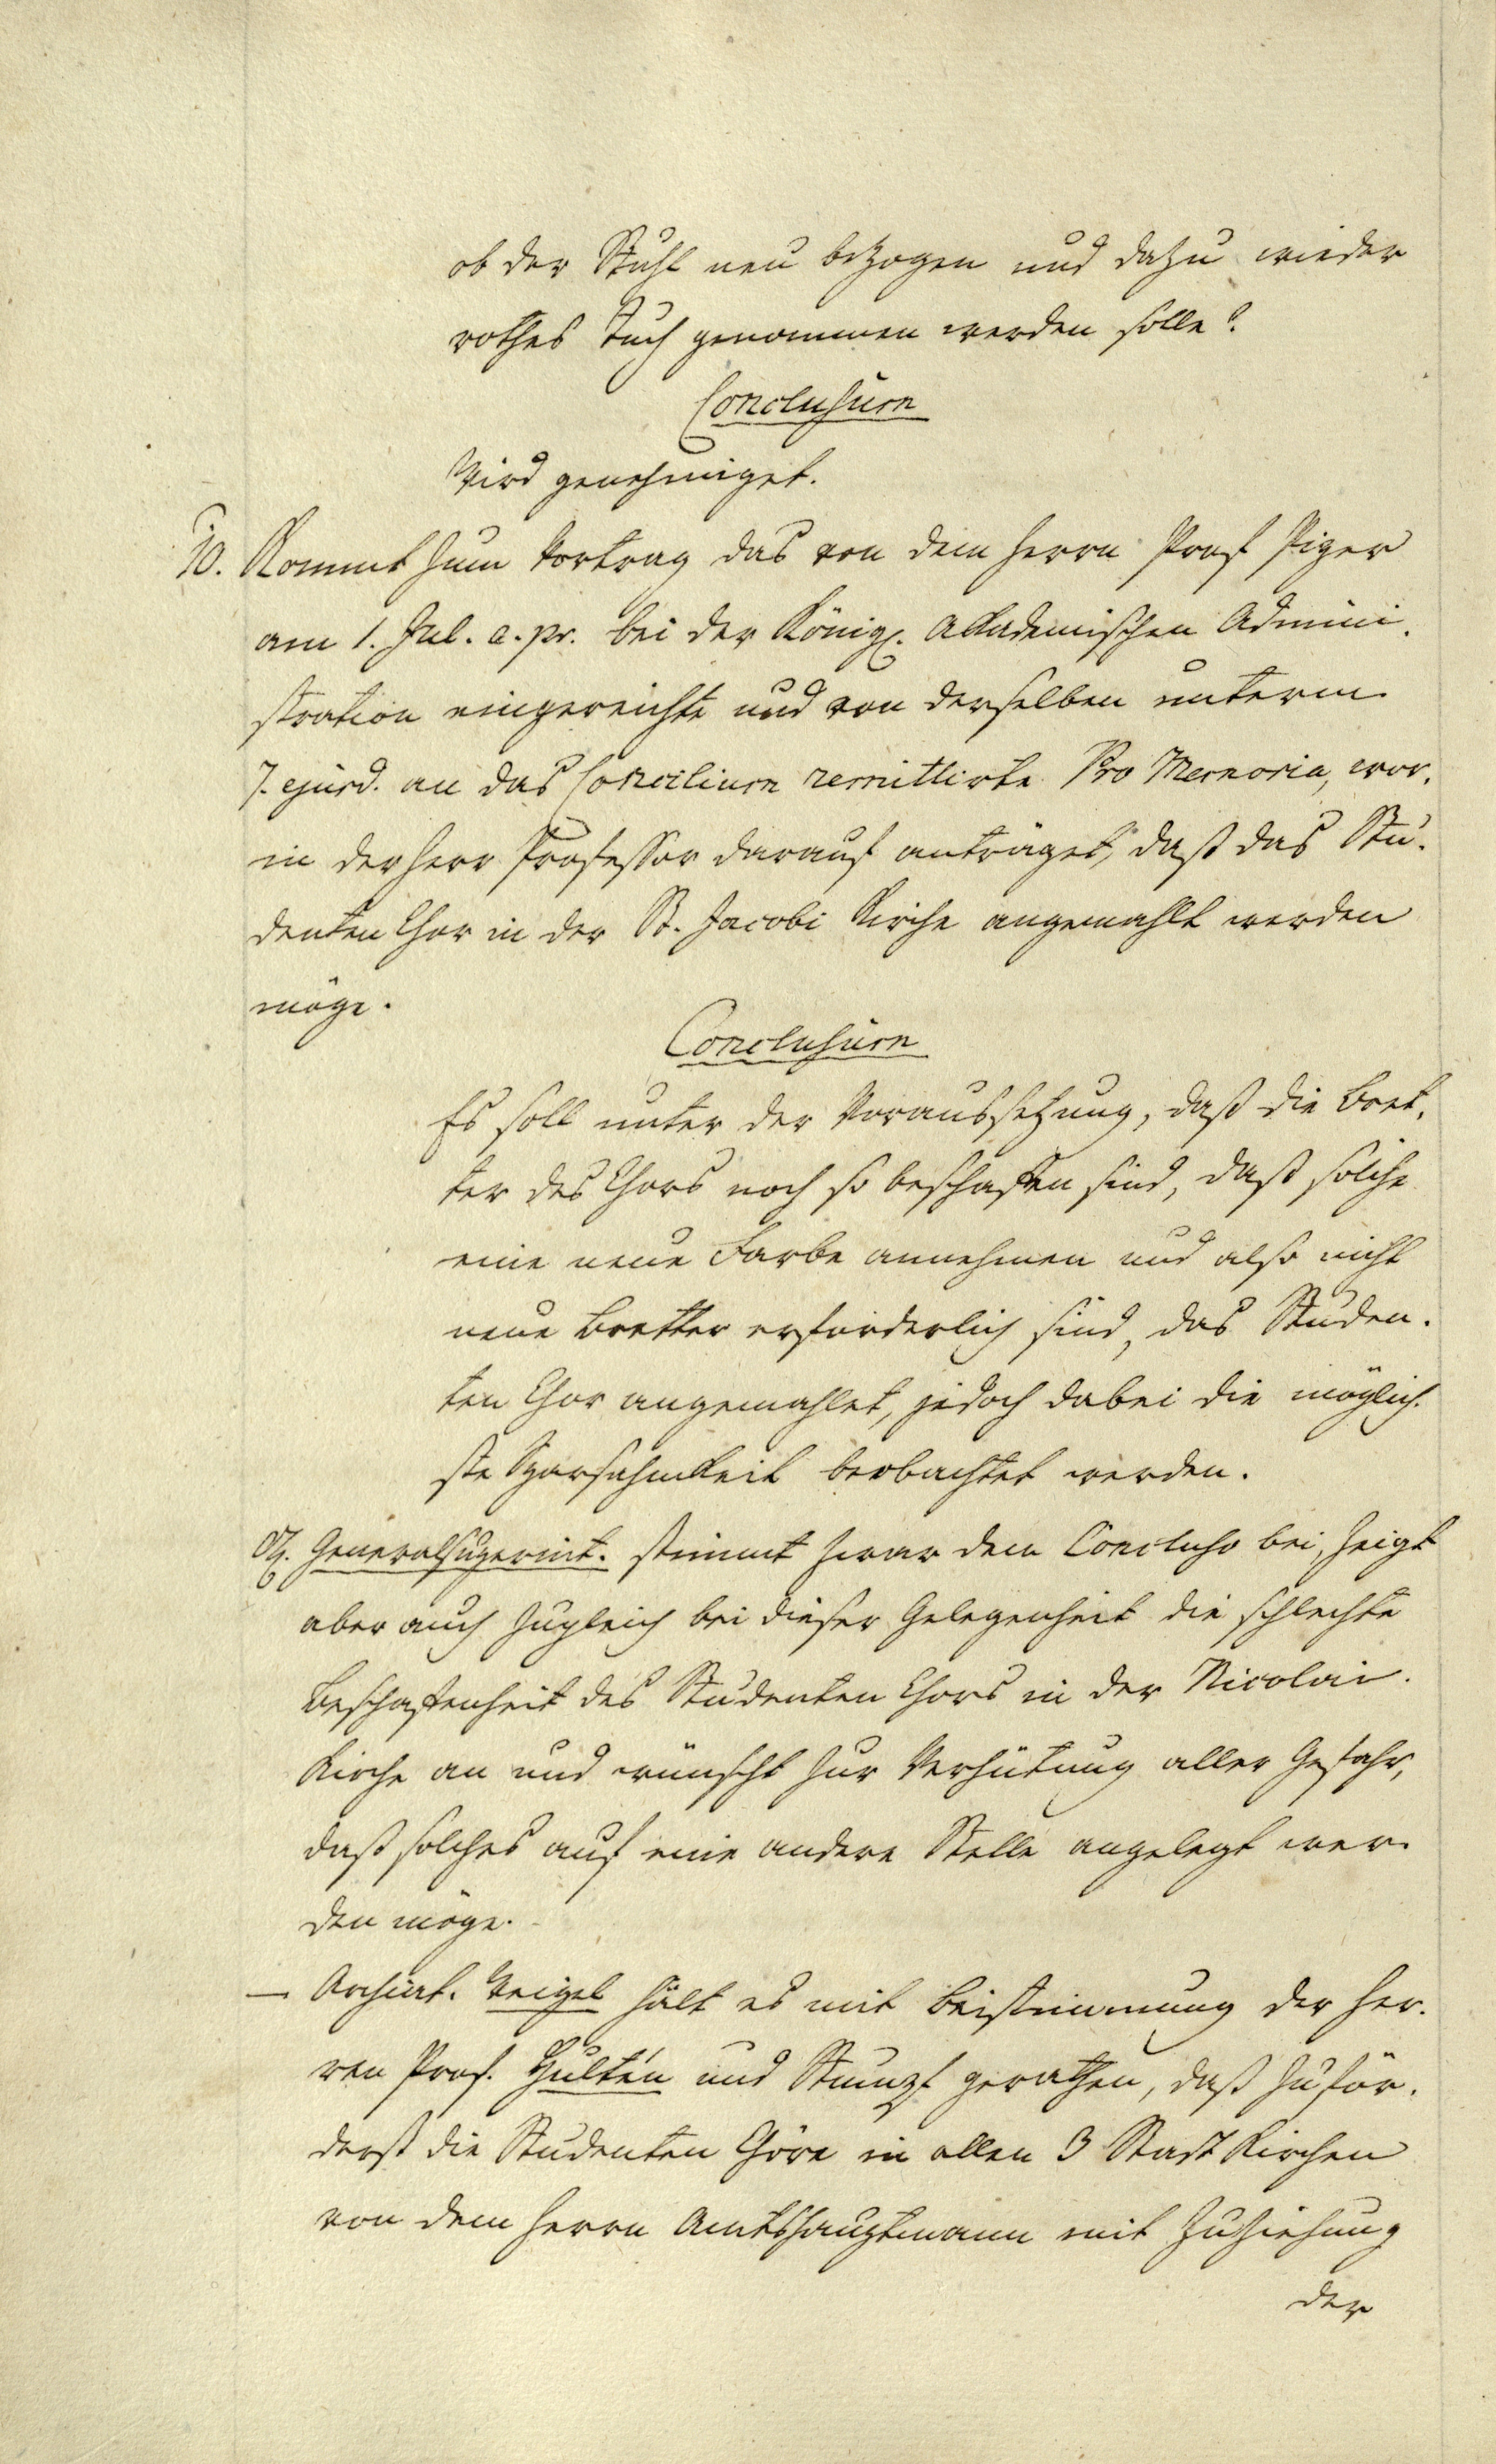ob der Stuhl neu bezogen und dazu wieder
rothes Tuch genommen werden solle?
Conclusum
Wird genehmiget.
10. Kommt zum Vortrag das von dem Herrn Prof. Piper
am 1. Jul. a. pr. bei der Königl. Akademischen Admini¬
stration eingereichte und von derselben unterm
7. ejusd. an das Concilium remittirte Pro Memoria, wor¬
in der Herr Professor darauf anträget, daß das Stu¬
denten Chor in der St. Jacobi Kirche angemahlt werden
möge.
Conclusum
Es soll unter der Voraussetzung, daß die Bret¬
ter des Chors noch so beschaffen sind, daß solche
eine neue Farbe annehmen und also nicht
neue Bretter erforderlich sind, das Studen¬
ten Chor angemahlet, jedoch dabei die möglich¬
ste Sparsahmkeit beobachtet werden.
dh. Generalsuperint. stimmt zwar dem Concluso bei, zeigt
aber auch zugleich bei dieser Gelegenheit die schlechte
Beschaffenheit des Studenten Chors in der Nicolai¬
Kirche an und wünscht zur Verhütung aller Gefahr,
daß solches auf eine andere Stelle angelegt wer¬
den möge.
Archiat. Weigel hält es mit Beistimmung der Her¬
ren Prof. Hultén und Stumpf gerathen, daß zuför¬
derst die Studenten Chöre in allen 3 StadtKirchen
von dem Herrn Amtshauptmann mit Zuziehung
der